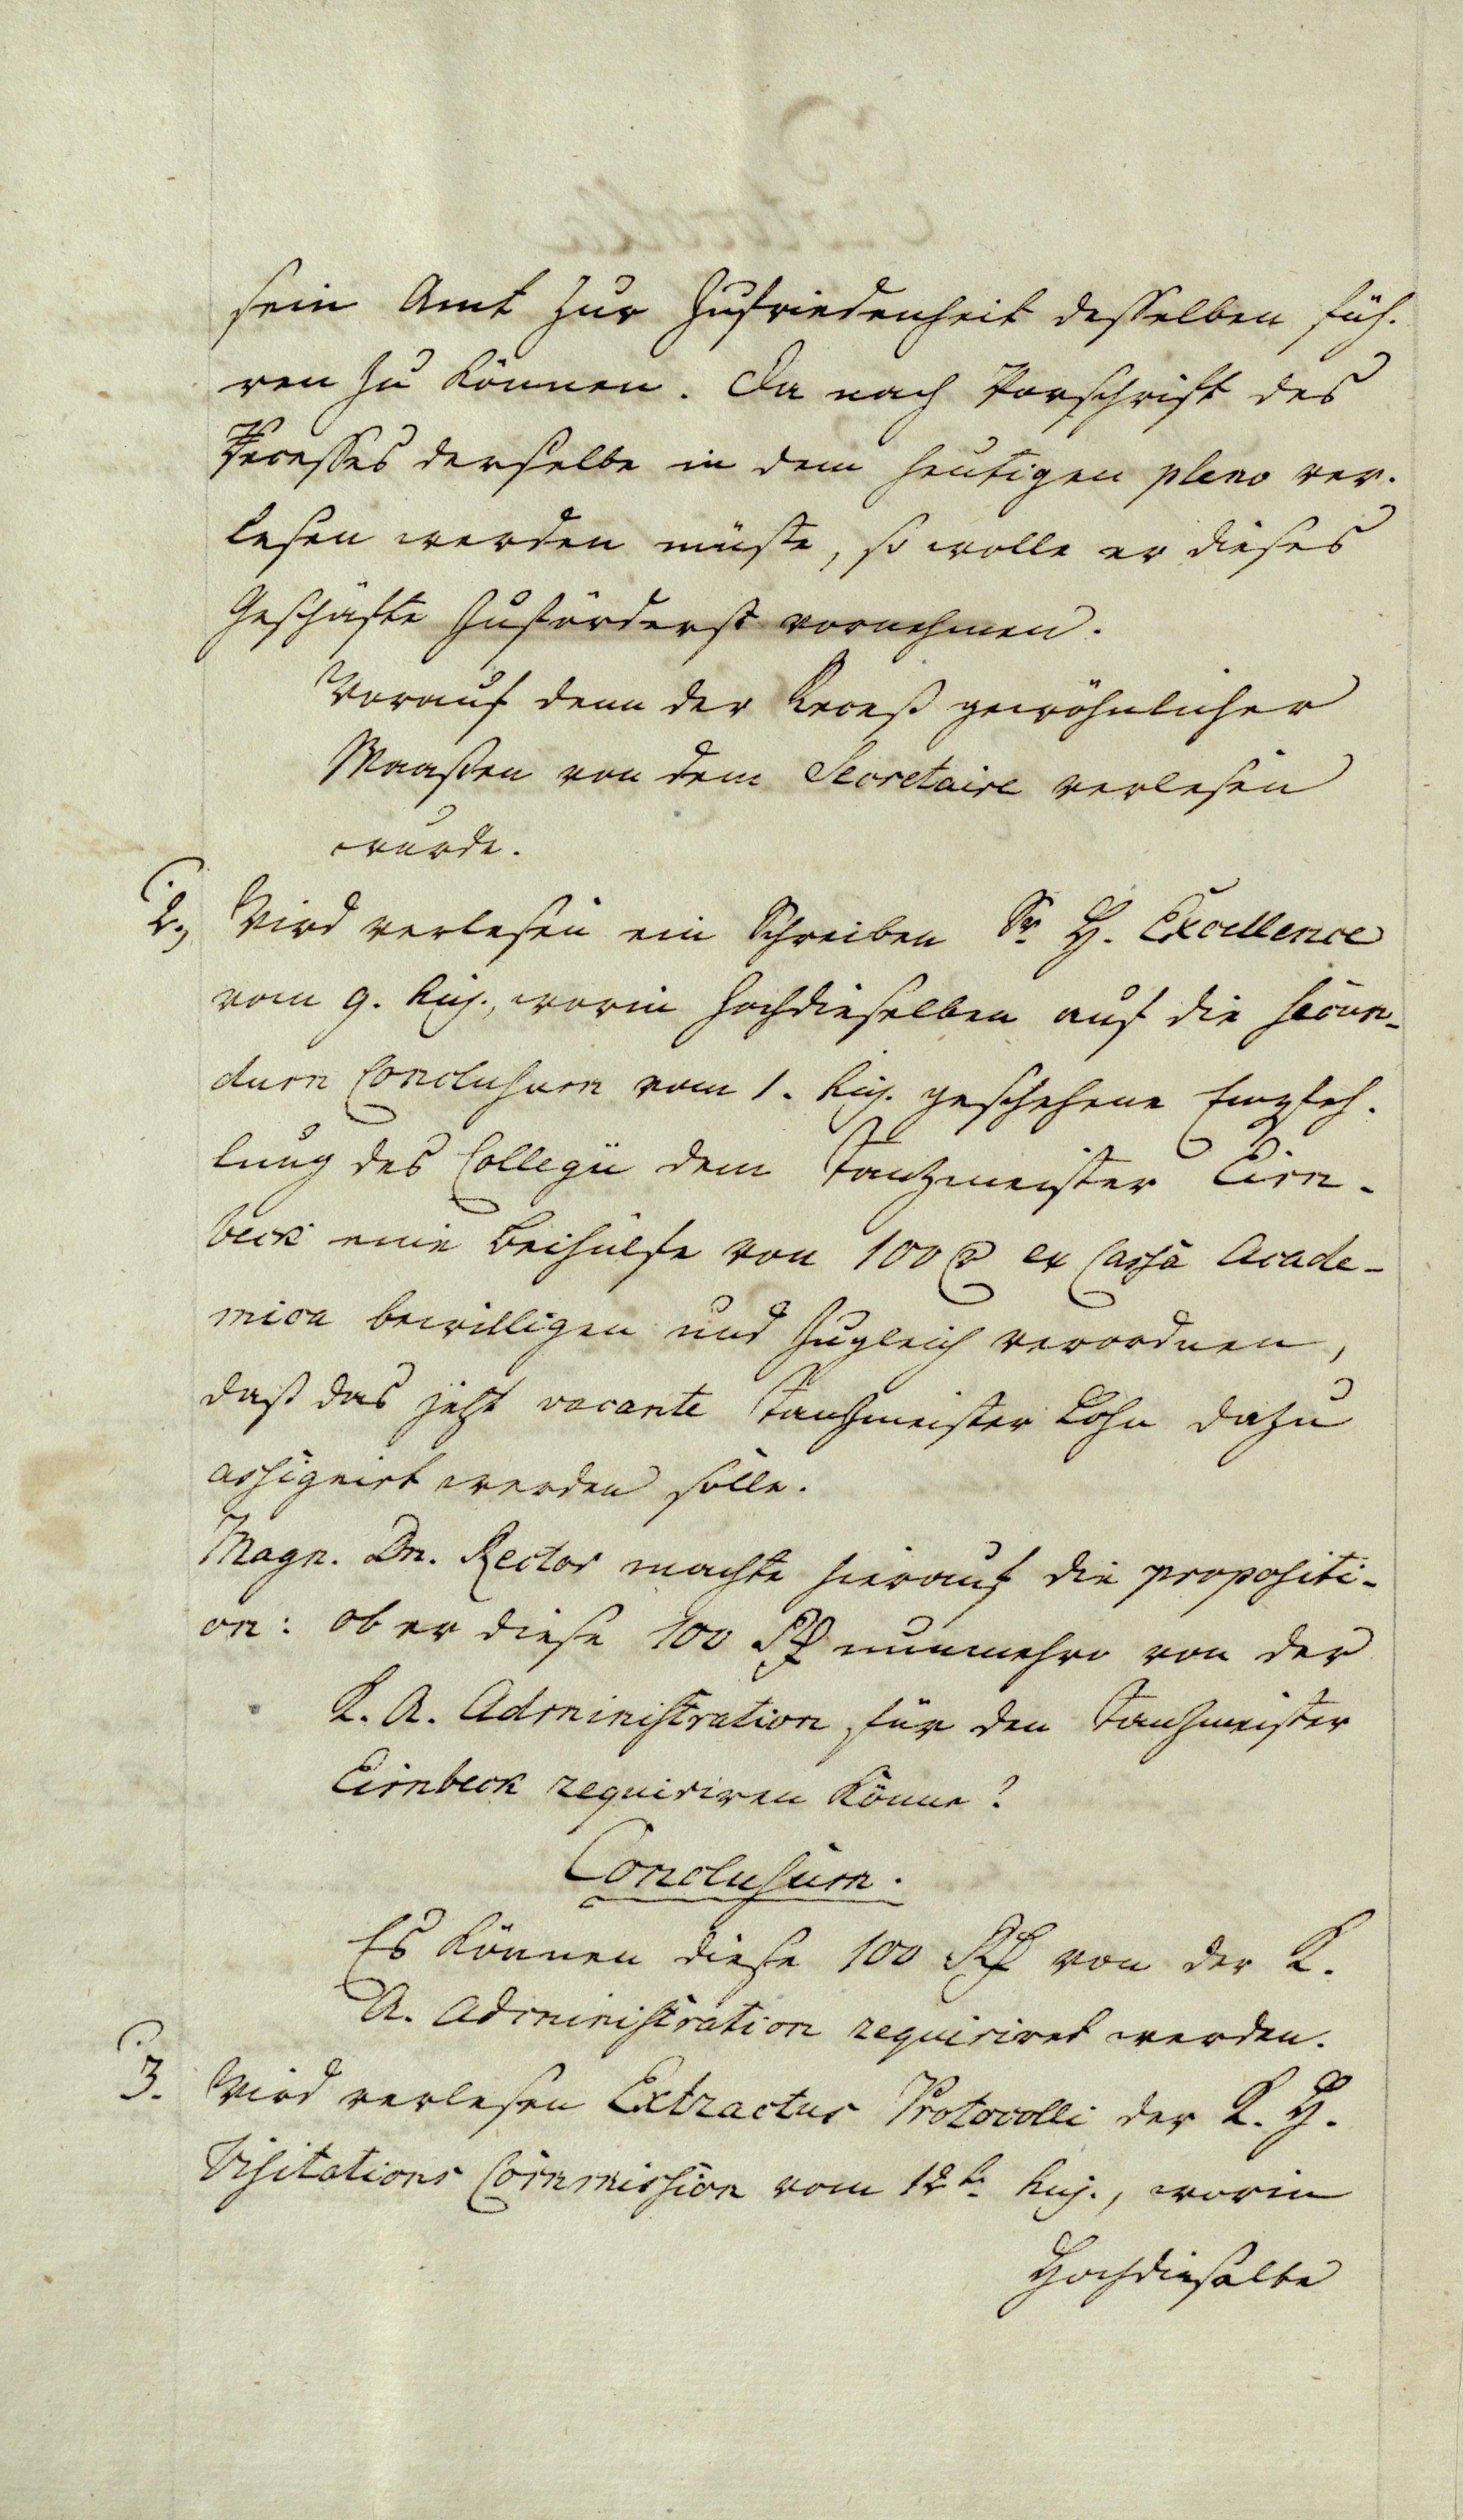sein Amt zur Zufriedenheit desselben füh¬
ren zu können. Da nach Vorschrift des
Recesses derselbe in dem heutigen pleno ver¬
lesen werden müßte, so wolle er dises
Geschäfte zuförderst vornehmen.
Worauf dann der Receß gewöhnlicher
Maaßen von dem Secretaire verlesen
wurde.
2. Wird verlesen ein Schreiben Sr. H. Excellence
vom 9. huj., worin Hochdieselben auf die secun¬
dum Conclusum vom 1. huj. geschehene Empfeh¬
lung des Collegii dem Tanzmeister Eim¬
beck eine Beihülfe von 100 rtl. ex Cassa Acade¬
mica bewilligen und zugleich verordnen,
daß das jetzt vacante Tanzmeister Lohn dazu
assignirt werden solle.
Magn. Dn. Rector machte hierauf die propositi¬
on: ob er diese 100 rtl. nunmehr von der
K. A. Administration für den Tanzmeister
Eimbeck requiriren könne?
Conclusum.
Es können diese 100 rtl. von der K.
A. Administration requirirt werden.
3. Wird verlesen Extractus Protocolli der K. H.
Visitations Commission vom 12ten huj., worin
Hochdieselbe